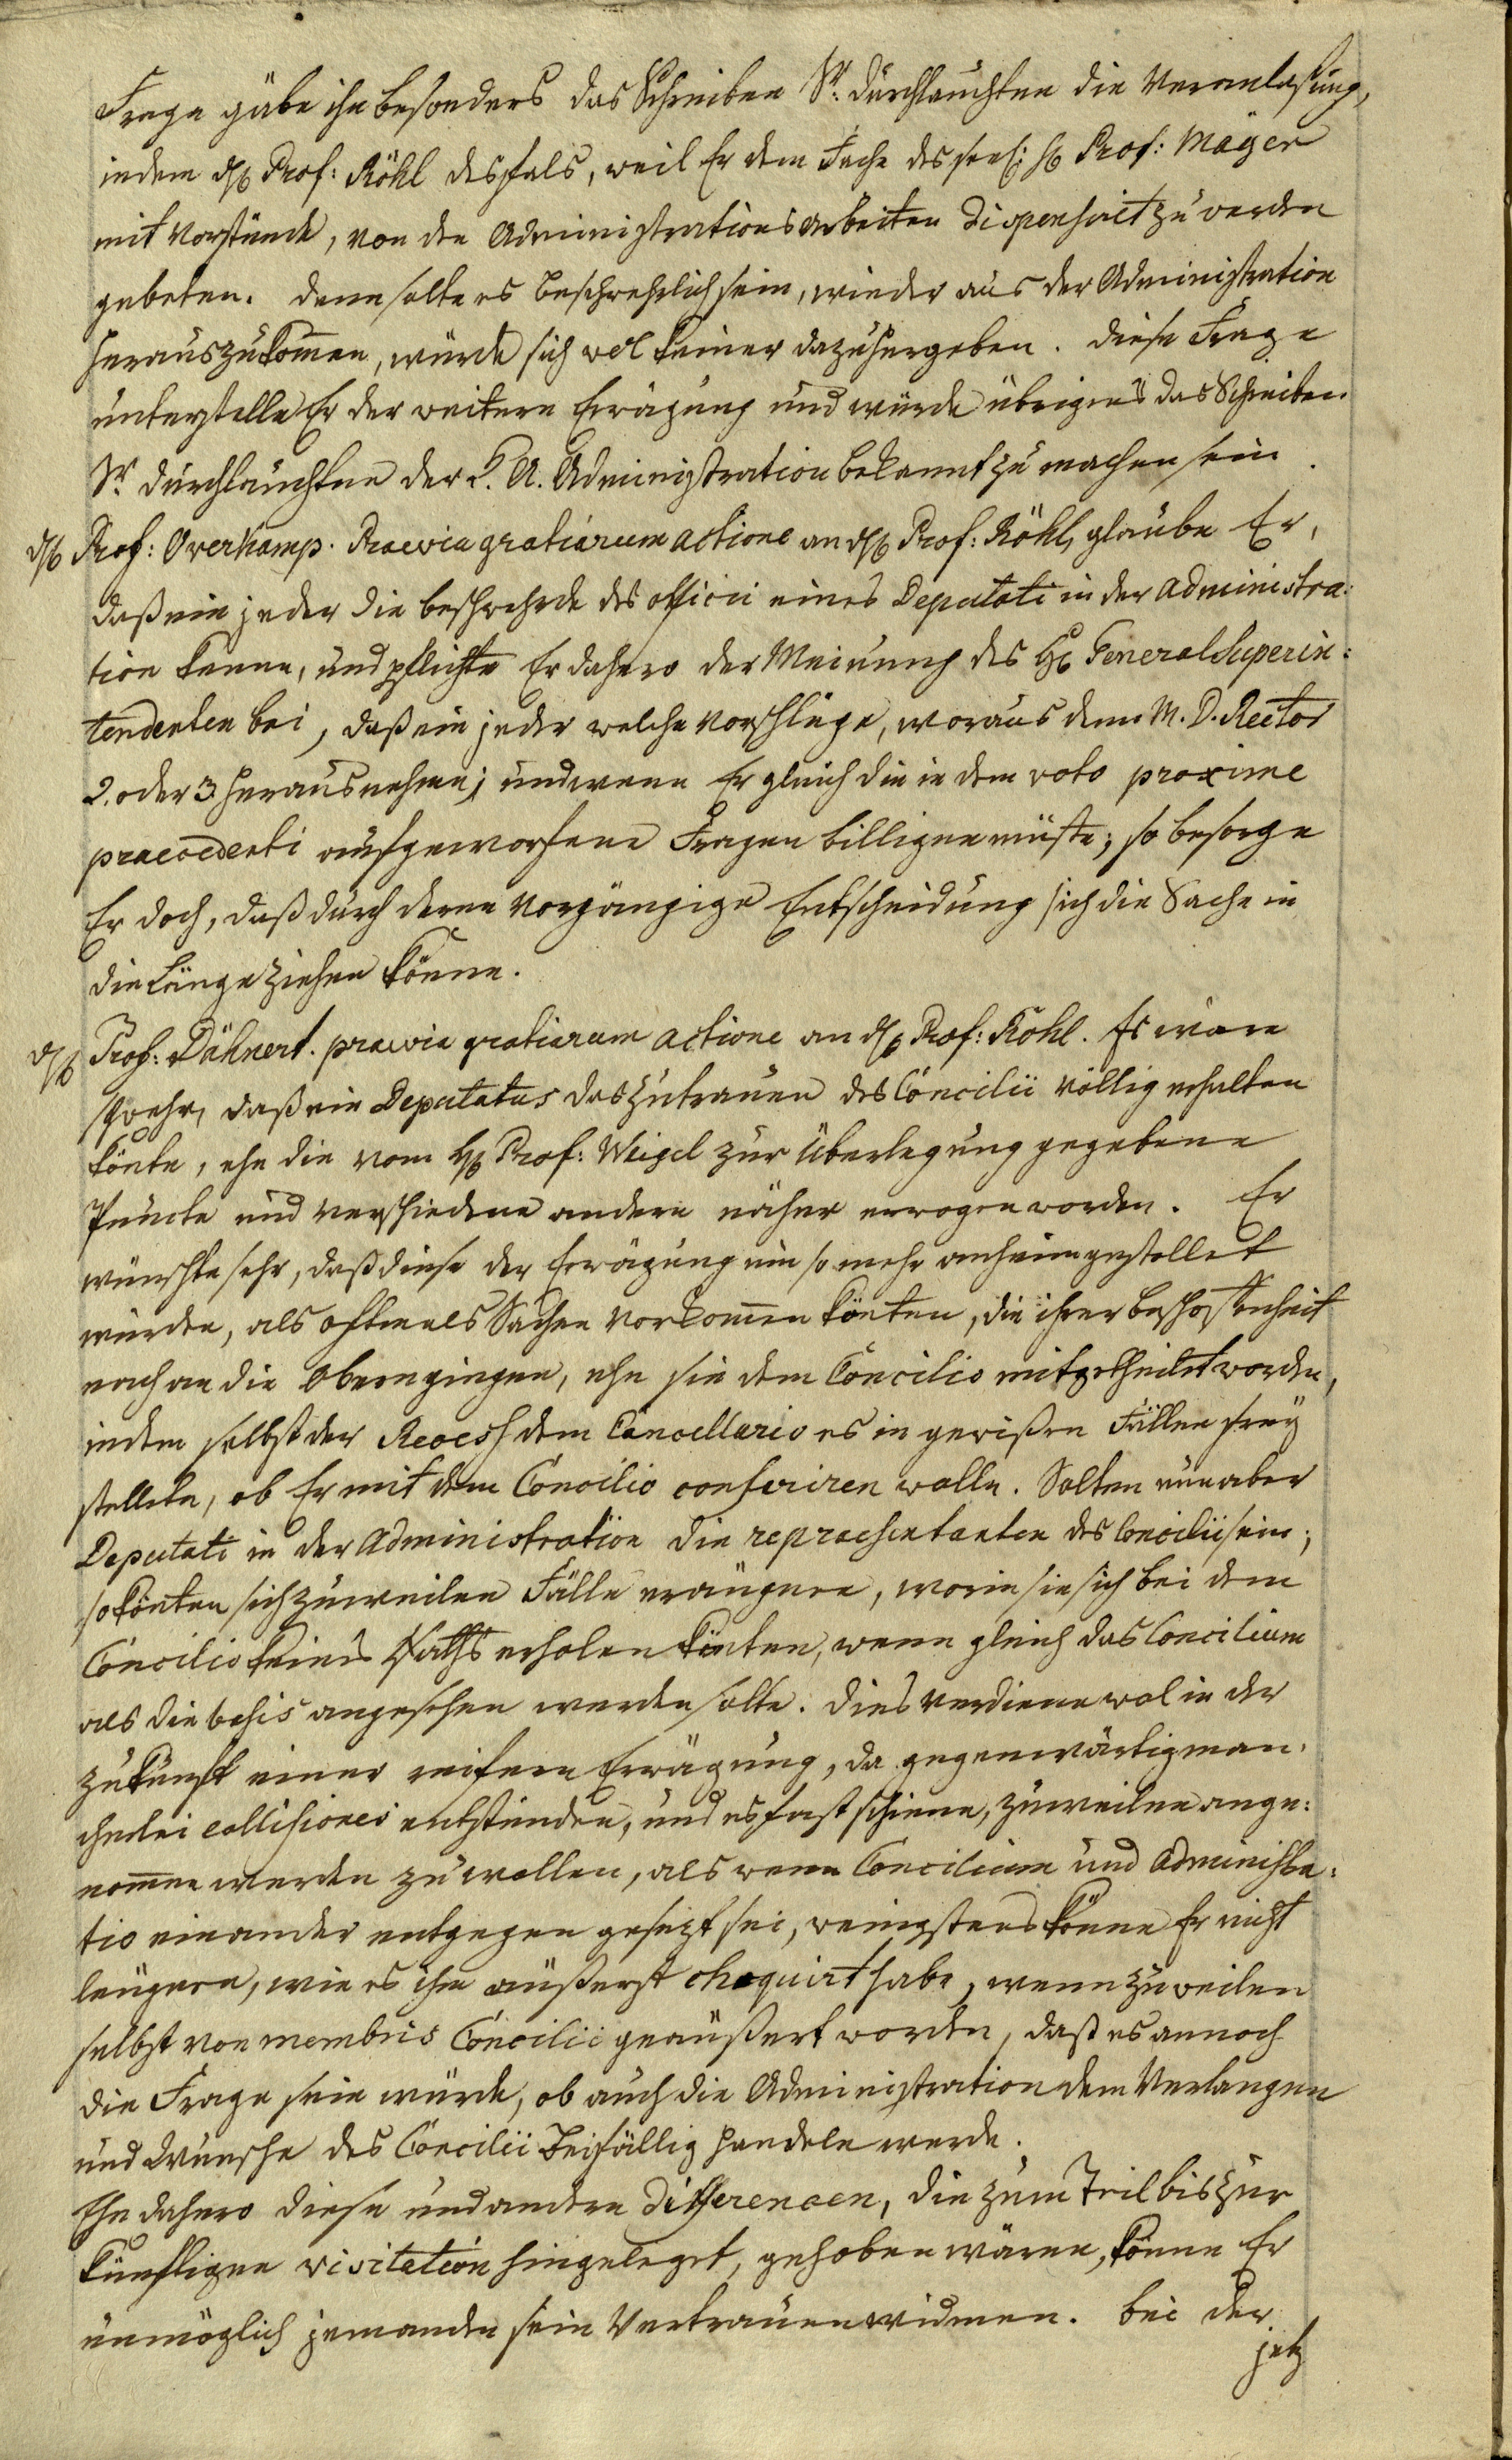Frage gäbe ihn besonders das Schreiben S. Durchlauchten die Veranlaßung,
indem dh Prof. Röhl desfals, weil Er dem Fache des seel. H Prof. Maÿer
mit vorstünde, von den Administrations Arbeiten dispensiret zu werden
gebeten. denn solte es beschwehrlich sein, wieder aus der Administration
herauszukomen, würde sich wol keiner dazuhergeben. diese Frage
unterstelle Er der weitern Erwägung und würde übrigens das Schreiben
Sr Durchlauchten der K. A. Administration bekannt zu machen sein.
Prof. Overkamp. Praevia gratiarum actione an dh Prof. Köhl glaube Er,
daß ein jeder die Beschwehrde des officii eines Deputati in der Administra¬
tion kenne, und pflichte Er dahero der Meinung des H GeneralSuperin¬
tendenten bei, daß ein jeder welche vorschlüge, woraus denn M. D. Rector
2. oder 3 herausnehme, und wenn Er gleich die in dem voto proxime
praecedenti aufgeworfene Fragen billigen müßte, so besorge
Er doch, daß durch deren vorgängige Entscheidung sich die Sache in
die Länge ziehen könne.
dh Prof. Dähnert praevia gratiarum actione an dh. Prof. Röhl. Es wäre
schwehr, daß ein Deputatus das Zutrauen des Concilii völlig erhalten
könte, ihn die vom H. Prof. Weigel zur Überlegung gegebenen
Puncte und verschiedene andere näher erwogen worden. Er
wünschte sehr, daß diese der Erwägung einum so mehr anheim gestellet
werden, als oftmals Sachen vorkommen könnten, die ihrer Beschaffenheit
nach an die Obern gingen, ehe sie dem Concilio mitgetheilet worden,
indem selbst der Recess dem Cancellario es in gewißen Fällen freÿ
stellete, ob Er mit dem Concilio conferiren wolle. Solten nun aber
Deputati in der Administration die repraesentanten des Concilii sein,
so könnten sich zuweilen Fälle eräugnen, worin in sich bei dem
Concilio keines Raths erholen könten, wenn gleich das Concilium
als die basis angesehen werden solte. Dies verdiene wohl in der
Zukunft einer reifern Erwägung, da gegenwärtig man¬
cherlei collisiones ebtstünden, und esfast schiene, zuweilen ange¬
nomen werden zu wollen, als wenn Concilium und Administra¬
tio einander entgegen gesezt sei, wenigstens könne Er nicht
leugen, wie es ihm äußerst choquirt habe, wenn zu weilen
selbst von membris Concilii geäußert worden, daß es annoch
die Frage sein würde, ob auch die Administration dem Verlangen
und Wunsche des Concilii beifällig handeln werde.
Ehe dahero diese und andere differencen, die zum Teil bis zur
künftigen Visitation hingeleget, gehoben wären, könne Er
unmöglich jemanden sein Vertrauen widmen. Bei den
jetz